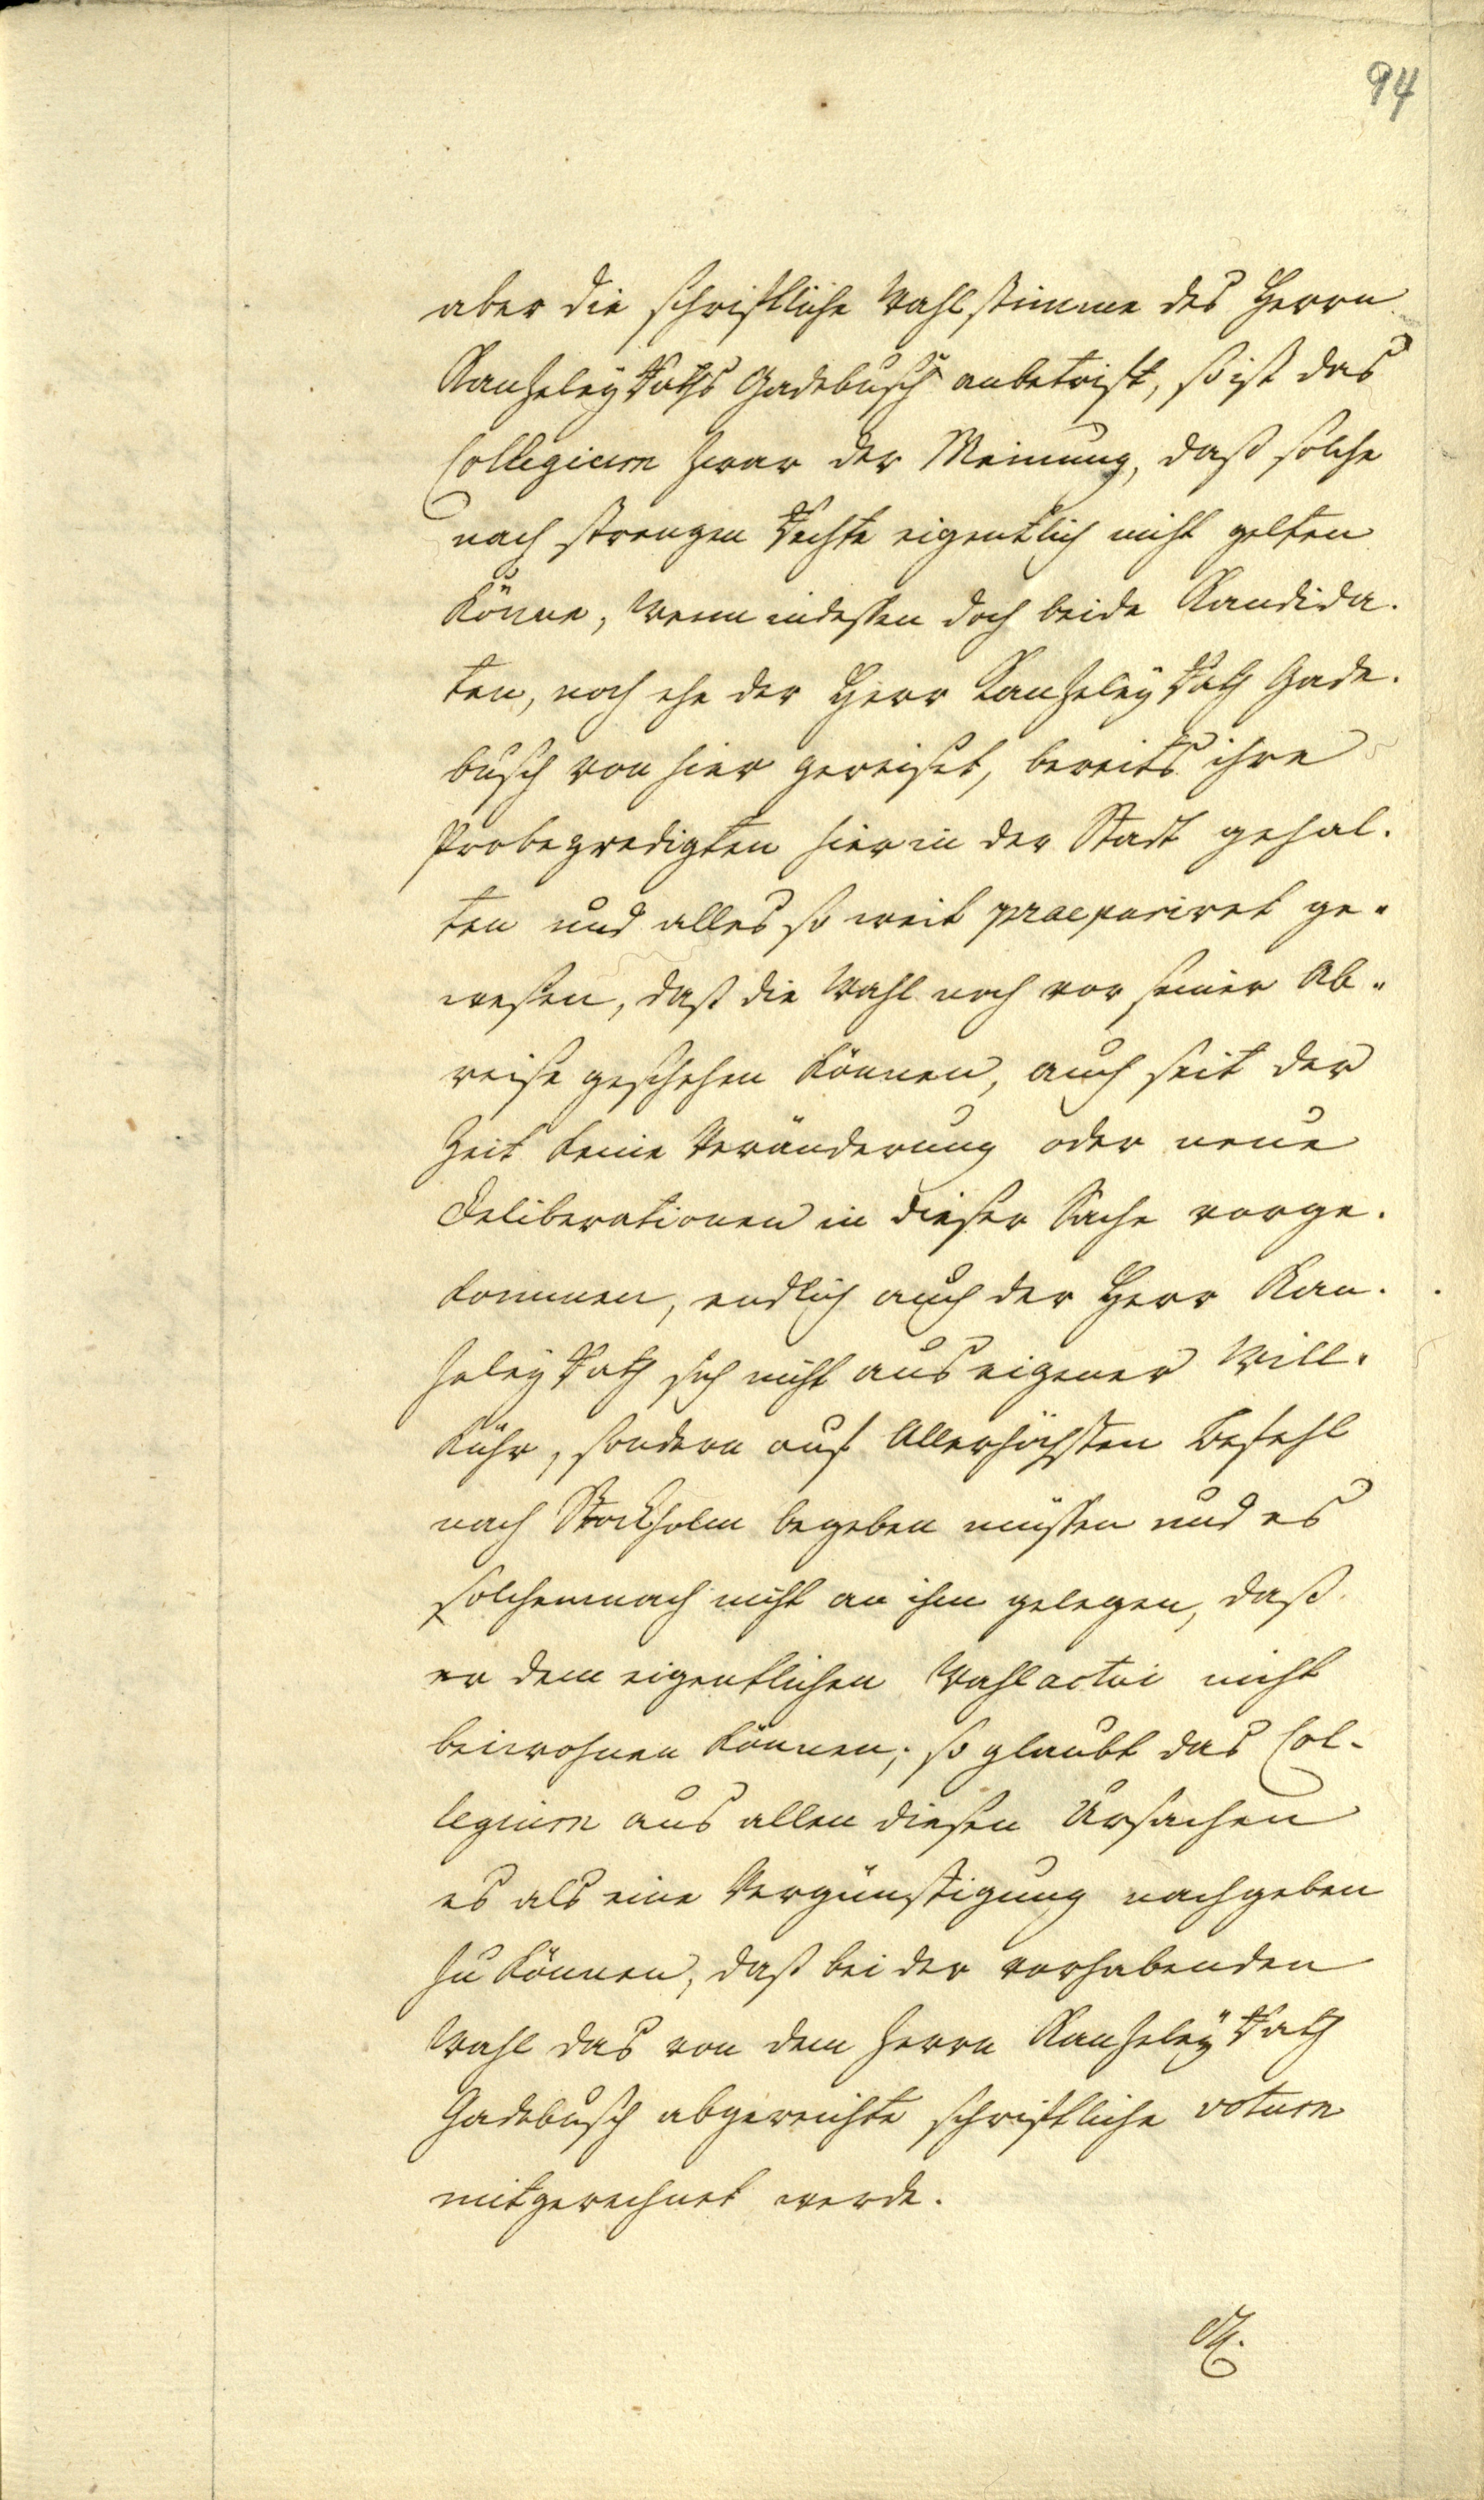aber die schriftliche Wahl stimme des Herrn
Kanzeleÿ Raths Gadebusch anbetrift, so ist das
Collegium zwar der Meinung, daß solche
nach strengen Rechte eigentlich nicht gelten
könne, wenn indessen doch beide Kandida¬
ten, noch ehe der Herr Kanzeleÿ Rath Gade¬
busch von hier gereiset, bereits ihre
Probepredigten hier in der Stadt gehal¬
ten und alles so weit praepariret ge¬
wesen, daß die Wahl noch vor einer Ab¬
reise geschehen können, auch seit der
Zeit keine Veränderung oder neue
Deliberationen in dieser Sache vorge¬
kommen, endlich auch der Herr Kan¬
zeleÿ Rath sich nicht aus eigener Will¬
kühr, sondern auf Allerhöchsten Befehl
nach Stockholm begeben müssen und es
solchemnach nicht an ihm gelegen, daß
er dem eigentlichen Wahlactu nicht
beiwohnen können, so glaubt das Col¬
legium aus allen diesen Ursachen
es als eine Vergünstigung nachgeben
zu können, daß bei der vorhabenden
Wahl das von dem Herrn Kanzeleÿ Rath
Gadebusch abgereichte schriftliche votum
mitgerechnet werde.
dh.